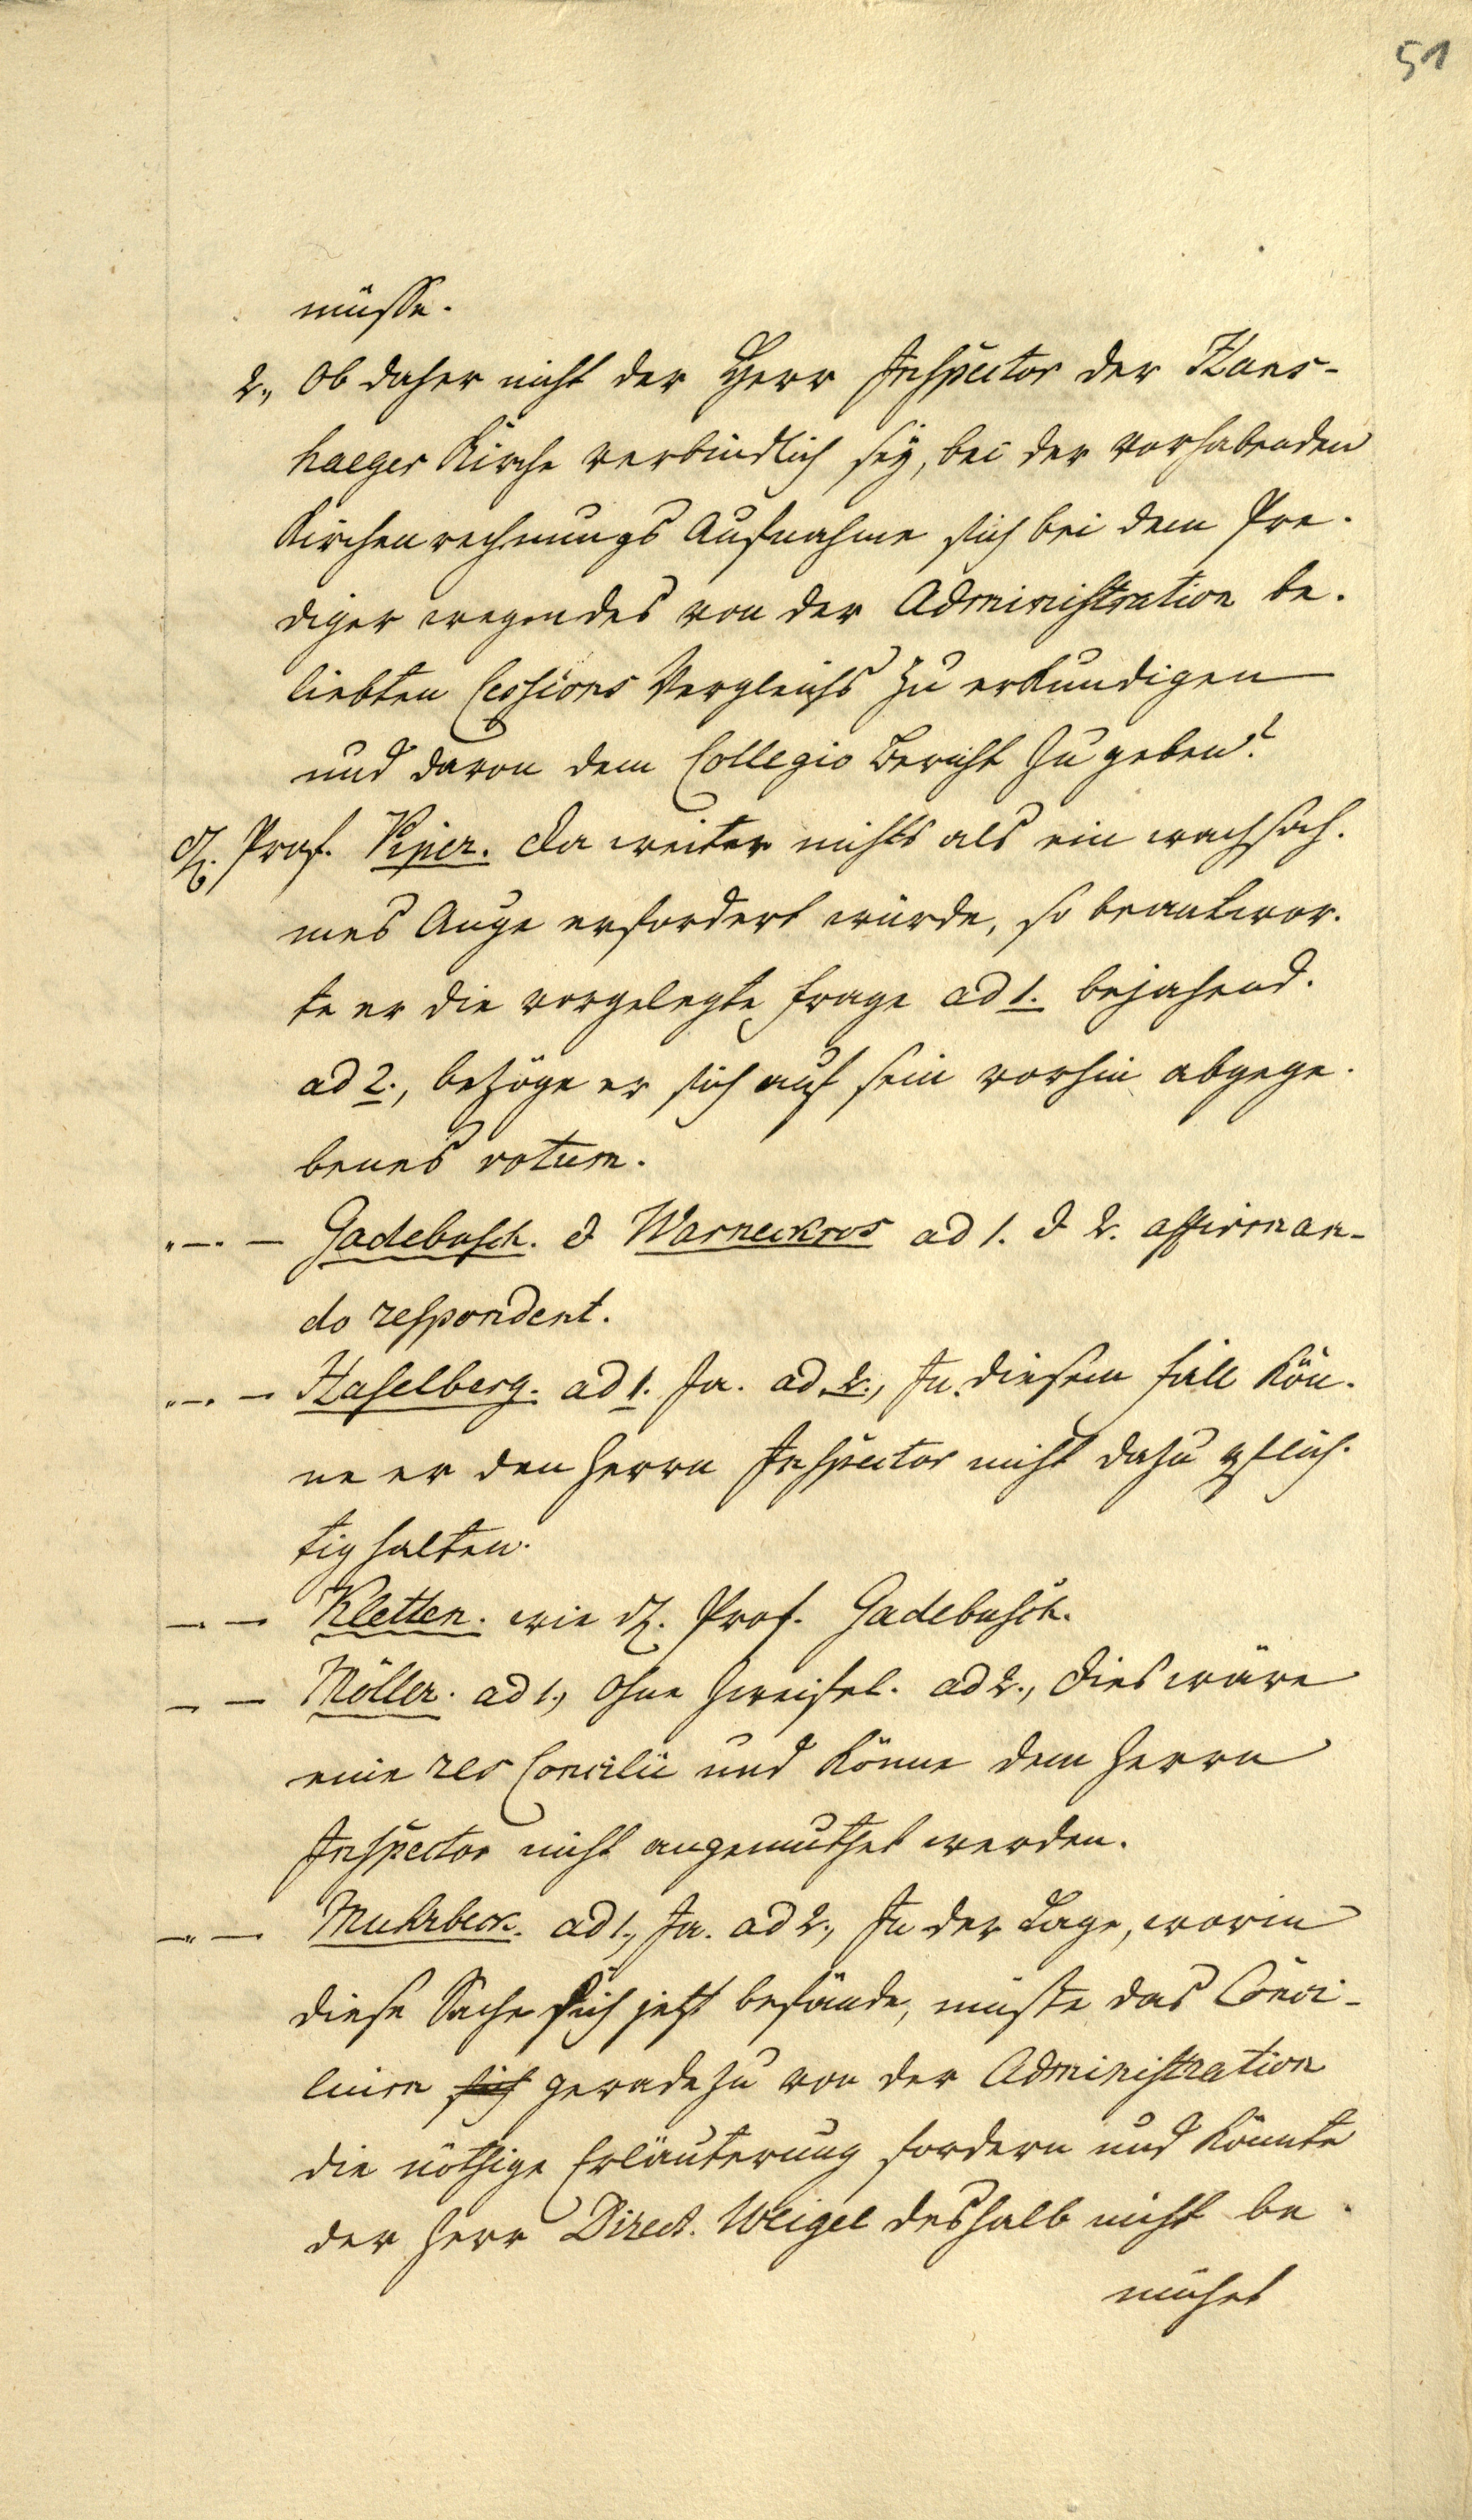müsse.
2., Ob daher nicht der Herr Inspector der Hans-
haeger Kriche verbindlich sey, bei der vorhabenden
Kirchenrechnungs Aufnahme sich bei dem Pre-
diger wegen des von der Administration be-
liebten Cessions Vergleichs zu erkundigen
und davon dem Collegio Bericht zu geben?
dh. Prof. Piper. Da weiter nichts als ein wachsah-
mes Auge erfordert würde, so beantwor-
te er die vorgelegte Frage ad 1. bejahend.
ad 2., bezöge er sich auf sein vorhin abgege-
benes votum.
" - " - Gadebusch et Warneckros ad 1. et 2. affirman-
do respondent.
" - " - " Haselberg. ad 1. Ja. ad 2., In diesem Fall kön-
ne er den Herrn Inspector nicht dazu pflich-
tig halten.
- " - Kletten. wie dh. Prof. Gadebusch.
- " - Möller. ad 1., Ohne Zweifel. ad 2., Dies wäre
eine res Concilii und könne dem herrn
Inspector nicht angemuthet werden.
- " - " Muhrbeck. ad 1., Ja. ad 2., In der Lage, worin
diese Sache sich jetzt befände, müßte das Conci-
lium gerade zu von der Administration
die nöthige Erläuterung fordern und könnte
der Herr Direct. Weigel deshalb nicht be-
mühet